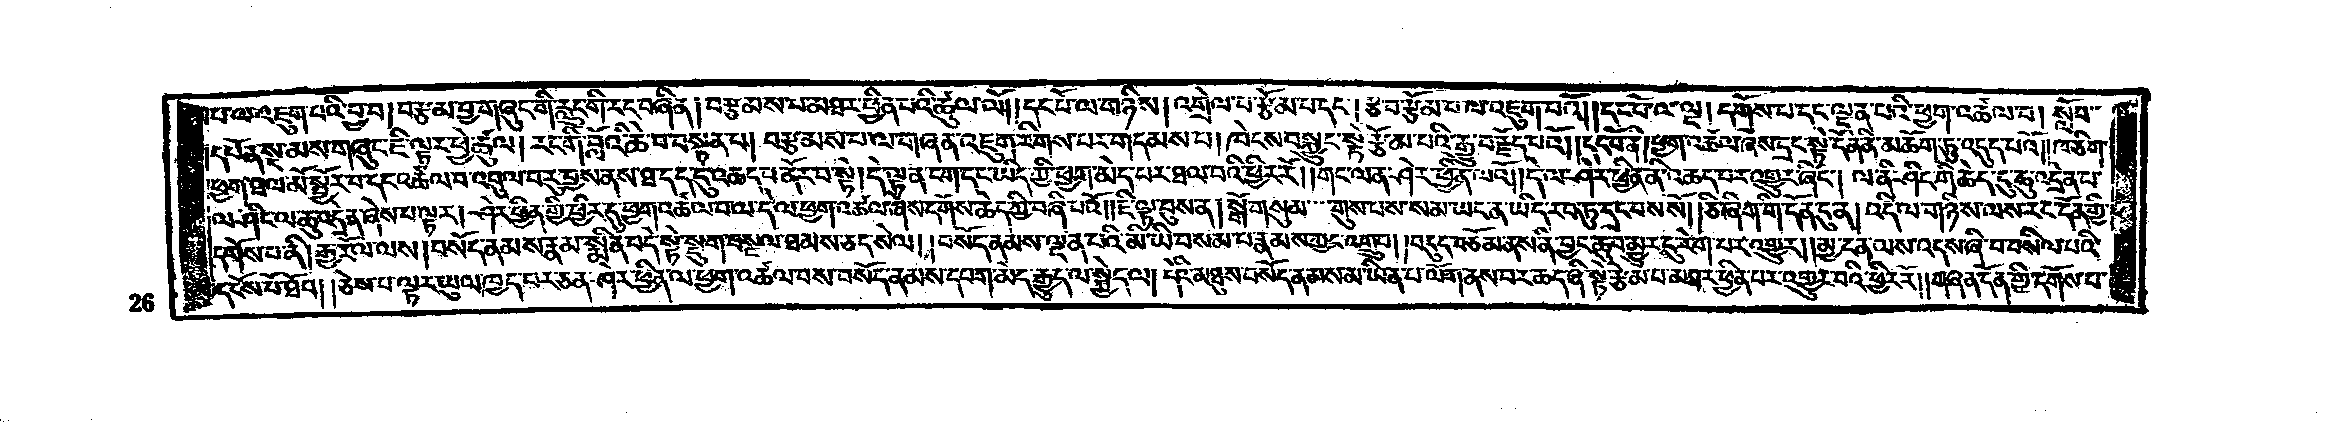པ་ལ་འཇུག་པའི་བྱ་བ། བརྩམ་བྱ་གཞུང་གི་རླུང་གི་རང་བཞིན། བརྩམས་པ་མཐར་ཕྱིན་པའི་ཚུལ་ལོ། །དང་པོ་ལ་གཉིས། འགྲེལ་པ་རྩོམ་པ་དང་། རྩ་བ་རྩོམ་པ་ལ་འཇུག་པའོ། །དང་པོ་ལ་ལྔ། དགོས་པ་དང་ལྡན་པའི་ཕྱག་འཚལ་བ། སློབ་
དཔོན་སྔ་མས་གཞུང་ཇི་ལྟར་ཕྱེ་ཚུལ། རང་གི་བློའི་ཆེ་བ་བསྟན་པ། བརྩམས་པ་ལ་གཞན་འཇུག་རིགས་པར་གདམས་པ། ཁེངས་བསྐྱུང་སྟེ་རྩོམ་པའི་རྒྱུ་བརྗོད་པའོ། །དང་པོ་ནི། ཕྱག་འཚལ་ཞེས་དྲང་སྟེ་དོན་ནི་མཆོག་ཏུ་འདུད་པའོ། །ཁ་ཅིག་
ཕྱག་ཐལ་མོ་སྦྱོར་བ་དང་འཚལ་བ་འབུལ་བ་རུ་བྱས་ནས་ཐ་དད་དུ་འཆད་པ་ནོར་བ་སྟེ། དེ་ལྟ་ན་ངག་དང་ཡིད་ཀྱི་ཕྱག་མེད་པར་ཐལ་བའི་ཕྱིར་རོ། །གང་ལན་ཤེར་ཕྱིན་ལའོ། །དེ་ལ་ཤེར་ཕྱིན་ནི་འཆད་པར་འགྱུར་ཞིང་། ལ་ནི་ཤིང་གི་ཆེད་དུ་ཆུ་འདྲེན་པ་
ལ་ཤིང་ལ་ཆུ་འདྲེན་ཞེས་པ་ལྟར། ཤེར་ཕྱིན་གྱི་ཕྱིར་དུ་ཕྱག་འཚལ་བ་ལ་དེ་ལ་ཕྱག་འཚལ་ཞེས་དགོས་ཆེད་ཀྱི་བཞི་པའོ། །ཇི་ལྟ་བུས་ན། སྒོ་གསུམ་གུས་པས་སམ་ཡང་ན་ཡིད་རབ་ཏུ་དྭང་བས་སོ། །ཅི་ཞིག་གི་དོན་དུ་ན། འདི་ལ་གཉིས་ལས་རང་དོན་གྱི་
དགོས་པ་ནི། རྒྱ་རོལ་ལས། བསོད་ནམས་རྣམ་སྨིན་བདེ་སྟེ་སྡུག་བསྔལ་ཐམས་ཅད་སེལ། །བསོད་ནམས་ལྡན་པའི་མི་ཡི་བསམ་པ་རྣམས་ཀྱང་འགྲུབ། །བདུད་བཅོམ་ནས་ནི་བྱང་ཆུབ་མྱུར་དུ་རེག་པར་འགྱུར། །མྱ་ངན་ལས་འདས་ཞི་བ་བསིལ་བའི་
དངོས་པོ་ཐོབ། །ཅེས་པ་ལྟར་ཡུལ་ཁྱད་པར་ཅན་ཤེར་ཕྱིན་ལ་ཕྱག་འཚལ་བས་བསོད་ནམས་དཔག་མེད་རྒྱུད་ལ་སྐྱེད་ལ། དེའི་མཐུས་བསོད་ནམས་མ་ཡིན་པ་ལོག་ནས་བར་ཆད་ཞི་སྟེ་རྩོམ་པ་མཐར་ཕྱིན་པར་འགྱུར་བའི་ཕྱིར་རོ། །གཞན་དོན་གྱི་དགོས་པ་